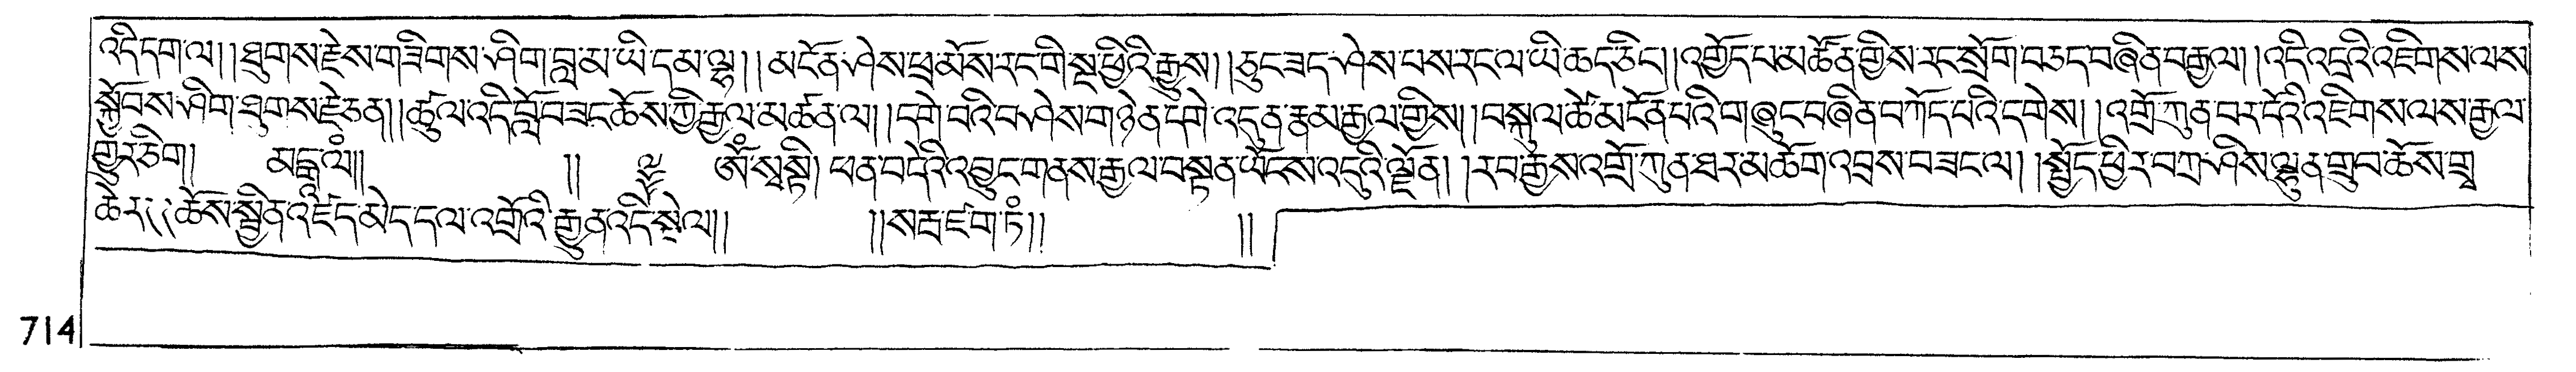འདི་དག་ལ། །ཐུགས་རྗེས་གཟིགས་ཤིག་བླ་མ་ཡི་དམ་ལྷ། །མངོན་ཤེས་ཕྲ་མོས་རང་གི་སྔ་ཕྱིའི་རྒྱུས། །ཅུང་ཟད་ཤེས་པས་རང་ལ་ཡི་ཆད་ཅིང་། །འགྱོད་པ་མཚོན་གྱིས་རང་སྲོག་བཅད་བཞིན་བརྒྱལ། །འདི་འདྲའི་འཇིགས་ལས་
སྐྱོབས་ཤིག་ཐུགས་རྗེ་ཅན། །ཚུལ་འདི་བློ་བཟང་ཆོས་ཀྱི་རྒྱལ་མཚན་ལ། །དགེ་བའི་བཤེས་གཉེན་དགེ་འདུན་རྣམ་རྒྱལ་གྱིས། །བསྐུལ་ཚེ་མངོན་པའི་གཞུང་བཞིན་བཀོད་པའི་དགེས། །འགྲོ་ཀུན་བར་དོའི་འཇིགས་ལས་རྒྱལ་
གྱུར་ཅིག ། མངྒཱ་ལཾ།། །། ༈ ཨོཾ་སྭསྟི། ཕན་བདེའི་འབྱུང་གནས་རྒྱལ་བསྟན་ཡོངས་འདུའི་ལྗོན། །རབ་རྒྱས་འགྲོ་ཀུན་ཐར་མཆོག་འབྲས་བཟང་ལ། །སྤྱོད་ཕྱིར་བཀྲ་ཤིས་ལྷུན་གྲུབ་ཆོས་གྲྭ་
ཆེར། །ཆོས་སྦྱིན་འཛད་མེད་དལ་འགྲོའི་རྒྱུན་འདི་སྤེལ།། །།སརྦ་ཛ་ག་ཏཾ།། །།